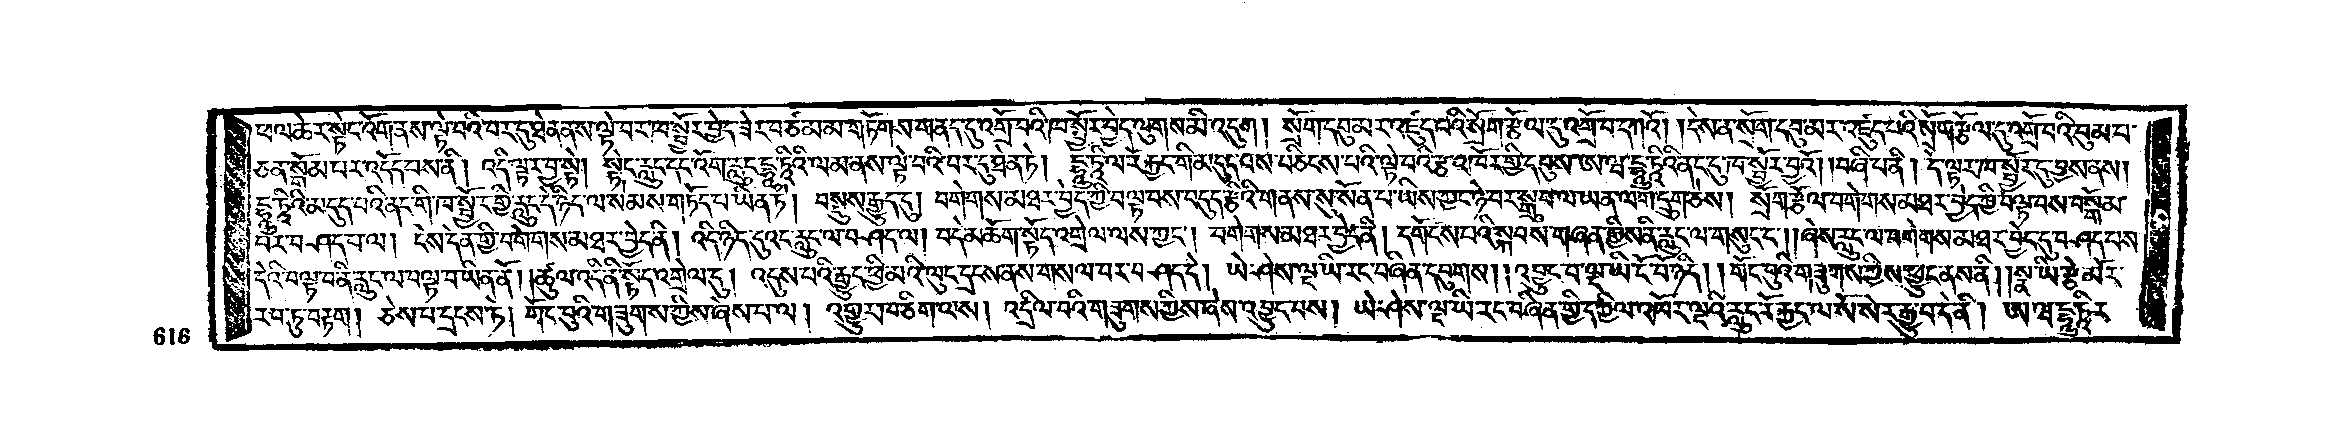ཕལ་ཆེར་སྟེང་འོག་ནས་ལྟེ་བའི་བར་དུ་ཐེན་ནས་ལྟེ་བར་ཁ་སྦྱོར་བྱེད་ཟེར་བ་ཙམ་མ་གཏོགས་གནད་དུ་འགྲོ་བའི་ཁ་སྦྱོར་བྱེད་ལུགས་མི་འདུག །སྲོག་དབུ་མར་འཛུད་པའི་སྲོག་རྩོལ་དུ་འགྲོ་བ་དཀའོ། །དེས་ན་སྲོག་དབུ་མར་འཛུད་པའི་སྲོག་རྩོལ་དུ་འགྲོ་བའི་བུམ་པ་
ཅན་སྒོམ་པར་འདོད་པས་ནི། འདི་ལྟར་བྱ་སྟེ། སྟེང་རླུང་དང་འོག་རླུང་དྷཱུ་ཏཱིའི་ལམ་ནས་ལྟེ་བའི་བར་དུ་ཐེན་ཏེ། དྷཱུ་ཏཱི་ལ་རོ་རྐྱང་གི་མདུད་པས་བཅིངས་པའི་ལྟེ་བའི་རྩ་འཁོར་གྱི་དབུས་ཨ་ཝ་དྷཱུ་ཏཱིའི་ནང་དུ་ཁ་སྦྱོར་བྱའོ། །བཞི་པ་ནི། དེ་ལྟར་ཁ་སྦྱོར་དུ་བྱས་ནས།
དྷཱུ་ཏཱིའི་མདུད་པའི་ནང་གི་ཁ་སྦྱོར་གྱི་རླུང་དེ་ཉིད་ལ་སེམས་གཏོད་པ་ཡིན་ཏེ། བསྡུས་རྒྱུད་དུ། བགེགས་མཐར་བྱེད་ཀྱི་བལྟ་བས་བདུད་རྩིའི་གནས་སུ་སོན་པ་ཡིས་ཀྱང་ཉེ་བར་སྒྲུབ་ལ་ཡན་ལག་དྲུག་ཅེས། སྲོག་རྩོལ་བགེགས་མཐར་བྱེད་ཀྱི་བལྟ་བས་བསྒོམ་པར་བཤད་པ་ལ། ངེས་དོན་གྱི་བགེགས་མཐར་བྱེད་ནི། འདི་ཉིད་དུའང་རླུང་ལ་བཤད་ལ། བདེ་མཆོག་སྟོད་འགྲེལ་ལས་ཀྱང་། བགེགས་མཐར་བྱེད་ནི། དགོངས་པའི་སྐབས་གཞན་གྱིས་ནི་རླུང་ལ་གསུང་ངོ། །ཞེས་རླུང་ལ་བགེགས་མཐར་བྱེད་དུ་བཤད་པས།
དེའི་བལྟ་བ་ནི་རླུང་ལ་བལྟ་བ་ཡིན་ནོ། །ཚུལ་འདི་ནི་སྟོད་འགྲེལ་དུ། འདུས་པའི་རྒྱུད་ཕྱི་མའི་ལུང་དྲངས་ནས་གསལ་བར་བཤད་དེ། ཡེ་ཤེས་ལྔ་ཡི་རང་བཞིན་དབུགས། །འབྱུང་བ་ལྔ་ཡི་ངོ་བོ་ཉིད། །གོང་བུའི་གཟུགས་ཀྱིས་ཕྱུང་ནས་ནི། །སྣ་ཡི་རྩེ་མོར་
རབ་ཏུ་བརྟག །ཅེས་པ་དྲངས་ཏེ། གོང་བུའི་གཟུགས་ཀྱིས་ཞེས་པ་ལ། འགྱུར་ཁ་ཅིག་ལས། འདྲིལ་བའི་གཟུགས་ཀྱིས་ཞེས་འབྱུང་བས། ཡེ་ཤེས་ལྔ་ཡི་རང་བཞིན་གྱི་དཀྱིལ་འཁོར་ལྔའི་རླུང་རོ་རྐྱང་ལ་སོ་སོར་རྒྱུ་བ་དེ་ནི། ཨ་ཝ་དྷཱུ་ཏཱིར་